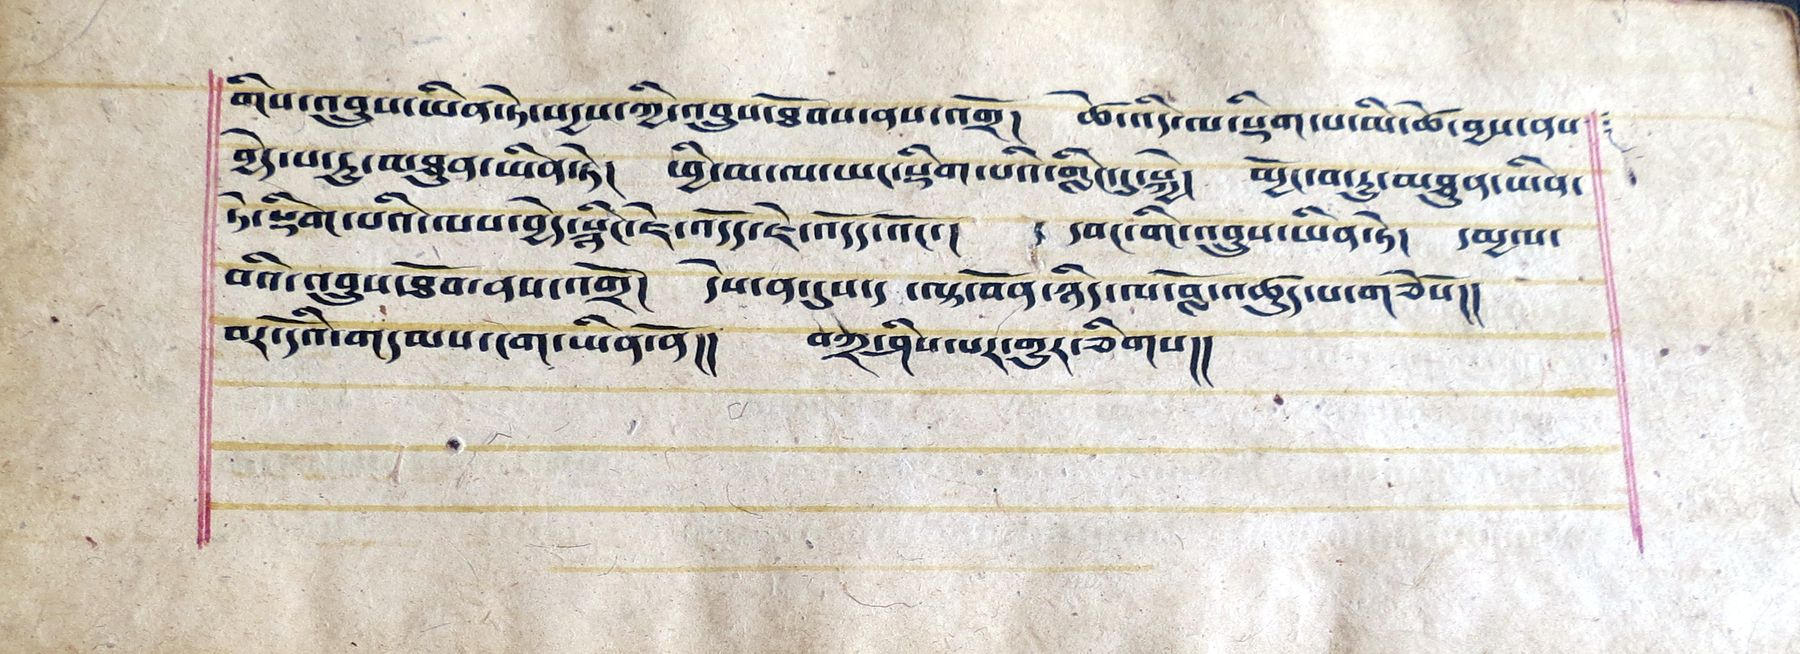གི་འབྲས་བུ་ཡིན་ཏེ། སངས་རྒྱས་ཀྱི་འབྲས་བུ་ཐོབ་ནས་འགྲོ། ཚེ་འདི་ལ་སྡིག་པ་མི་ཚེ་བྱས་ནས། 
བྱེད་པ་རྒྱུ་མཐུན་ཡིན་ཏེ། ཕྱི་མ་ལ་ཡང་སྡིག་པའི་གླིང་དུ་སྐྱེ། མྱོང་བ་རྒྱུ་མཐུན་ཡིན་
ཏེ། སྡིག་པའི་ལས་བྱེད་སྙིང་ཇེ་འདོད་ཇེ་འདོད་འོང་། དབང་གི་འབྲས་བུ་ཡིན་ཏེ། དམྱལ་
བའི་འབྲས་བུ་ཐོབ་ནས་འགྲོ། དེས་ན་དུས་ད་ལྟ་བོན་ཉིད་ལ་བློ་འཚུད་པ་གཅེས་སོ། །
བར་དོའི་གདམས་ངག་ཡིན་ནོ། །བཀྲ་ཤིས་པར་གྱུར་ཅིག། །།